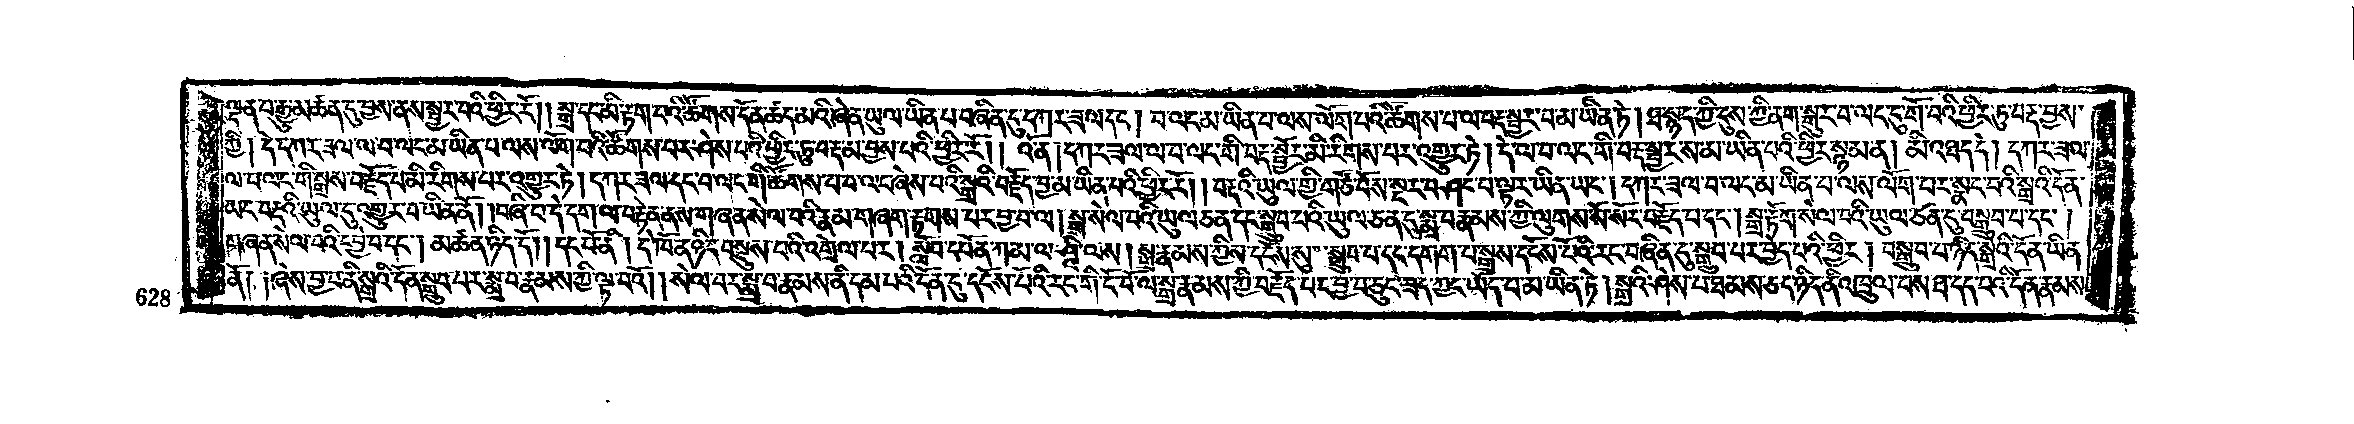ལྡན་པ་རྒྱུ་མཚན་དུ་བྱས་ནས་སྦྱར་བའི་ཕྱིར་རོ། །སྒྲ་དང་མི་རྟག་པའི་ཚོགས་དོན་ཚད་མའི་ཞེན་ཡུལ་ཡིན་པ་བཞིན་དུ་དཀར་ཟལ་དང་། བ་ལང་མ་ཡིན་པ་ལས་ལོག་པའི་ཚོགས་པ་ལ་བརྡ་སྦྱར་བ་མ་ཡིན་ཏེ། ཐ་སྙད་ཀྱི་དུས་ཀྱི་ནག་སྒུར་བ་ལང་དུ་གོ་བའི་ཕྱིར་ཏུ་བརྡ་བྱས་
ཀྱི། དེ་དཀར་ཟལ་ལ་བ་ལང་མ་ཡིན་པ་ལས་ལོག་པའི་ཚོགས་པར་ཤེས་པའི་ཕྱིར་ཏུ་བརྡ་མ་བྱས་པའི་ཕྱིར་རོ། །འོ་ན། དཀར་ཟལ་ལ་བ་ལང་གི་བརྡ་སྦྱོར་མི་རིགས་པར་འགྱུར་ཏེ། དེ་ལ་བ་ལང་གི་བརྡ་སྦྱར་ས་མ་ཡིན་པའི་ཕྱིར་སྙམ་ན། མི་འཐད་དེ། དཀར་ཟལ་
ལ་བ་ལང་གི་སྒྲས་བརྗོད་པ་མི་རིགས་པར་འགྱུར་ཏེ། དཀར་ཟླ་དང་བ་ལང་གི་ཚོགས་པ་བ་ལང་ཞེས་པའི་བརྗོད་བྱ་མ་ཡིན་པའི་ཕྱིར་རོ། །བརྡ་ཡུལ་གྱི་གཙོ་བོས་སྔར་བཤད་པ་ལྟར་ཡིན་ཡང་། དཀར་ཟལ་བ་ལང་མ་ཡིན་པ་ལས་ལོག་པར་སྣང་བའི་སྒྲའི་དོན་
ཡང་བརྡའི་ཡུལ་དུ་འགྱུར་བ་ཡིན་ནོ། །བཞི་པ་དེ་དག་ལ་བརྟེན་ནས་གཞན་སེལ་བའི་རྣམ་གཞག་རྟགས་པར་བྱ་བ་ལ། སྒྲ་སེལ་བའི་ཡུལ་ཅན་དང་སྒྲུབ་པའི་ཡུལ་ཅན་དུ་སྨྲ་བ་རྣམས་ཀྱི་ལུགས་སོ་སོ་བརྗོད་པ་དང་། སྒྲ་རྟོག་སེལ་བའི་ཡུལ་ཅན་དུ་བསྒྲུབ་པ་དང་།
ཞེན་སེལ་བའི་དབྱེ་བ་དང་། མཚན་ཉིད་དོ། །དང་པོ་ནི། དེ་ཁོ་ན་ཉིད་བསྡུས་པའི་འགྲེལ་པར། སློབ་དཔོན་ཀ་མ་ལ་ཤྲཱི་ལས། སྒྲ་རྣམས་ཀྱིས་དངོས་སུ་སྒྲུབ་པ་དང་དགག་པ་སྒྲས་དངོས་པོའི་རང་བཞིན་དུ་སྒྲུབ་པར་བྱེད་པའི་ཕྱིར། བསྒྲུབ་པ་ཉི་སྒྲའི་དོན་ཡིན་
ནོ། །ཞེས་བྱ་བ་ནི་སྒྲའི་དོན་སྒྲུབ་པར་སྨྲ་བ་རྣམས་ཀྱི་ལྟ་བའོ། །སེལ་བར་སྨྲ་བ་རྣམས་ནི་དམ་པའི་དོན་དུ་དངོས་པོའི་རང་གི་ངོ་བོ་ལ་སྒྲ་རྣམས་ཀྱི་བརྗོད་པར་བྱ་བ་ཅུང་ཟད་ཀྱང་ཡོད་པ་མ་ཡིན་ཏེ། སྒྲའི་ཤེས་པ་ཐམས་ཅད་ཉིད་ནི་འཁྲུལ་པས་ཐ་དད་པའི་དོན་རྣམས་